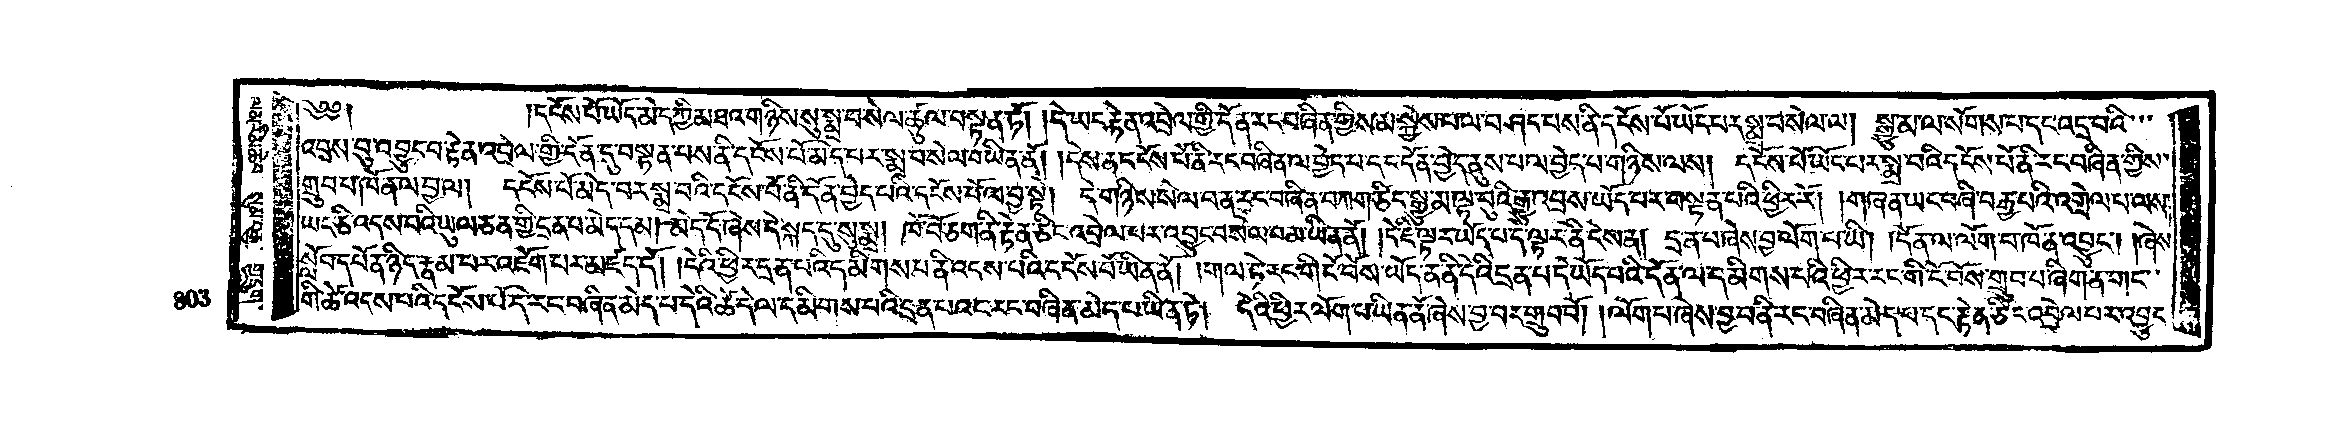༄༅། །དངོས་པོ་ཡོད་མེད་ཀྱི་མཐའ་གཉིས་སུ་སྨྲ་བ་སེལ་ཚུལ་བསྟན་ཏོ། །དེ་ཡང་རྟེན་འབྲེལ་གྱི་དོན་རང་བཞིན་གྱིས་མ་སྐྱེས་པ་ལ་བཤད་པས་ནི་དངོས་པོ་ཡོད་པར་སྨྲ་བ་སེལ་ལ། སྒྱུ་མ་ལ་སོགས་པ་དང་འདྲ་བའི་
འབྲས་བུ་འབྱུང་བ་རྟེན་འབྲེལ་གྱི་དོན་དུ་བསྟན་པས་ནི་དངོས་པོ་མེད་པར་སྨྲ་བ་སེལ་བ་ཡིན་ནོ། །དེས་ན་དངོས་པོ་ནི་རང་བཞིན་ལ་བྱེད་པ་དང་དོན་བྱེད་ནུས་པ་ལ་བྱེད་པ་གཉིས་ལས། དངོས་པོ་ཡོད་པར་སྨྲ་བའི་དངོས་པོ་ནི་རང་བཞིན་གྱིས་
གྲུབ་པ་ཁོ་ན་ལ་བྱ་ལ། དངོས་པོ་མེད་པར་སྨྲ་བའི་དངོས་པོ་ནི་དོན་བྱེད་པའི་དངོས་པོ་ལ་བྱ་སྟེ། དེ་གཉིས་སེལ་བ་ན་རང་བཞིན་བཀག་ཅིང་སྒྱུ་མ་ལྟ་བུའི་རྒྱུ་འབྲས་ཡོད་པར་བསྟན་པའི་ཕྱིར་རོ། །གཞན་ཡང་བཞི་བརྒྱ་པའི་འགྲེལ་པ་ལས།
ཡང་ཅི་འདས་པའི་ཡུལ་ཅན་གྱི་དྲན་པ་མེད་དམ། མེད་དོ་ཞེས་དེ་སྐད་དུ་སུ་སྨྲ། ཁོ་བོ་ཅག་ནི་རྟེན་ཅིང་འབྲེལ་པར་འབྱུང་བ་སེལ་བ་མ་ཡིན་ནོ། །དེ་ཇི་ལྟར་ཡོད་པ་དེ་ལྟར་ནི་ངེས་ན། དྲན་པ་ཞེས་བྱ་ལོག་པ་ཡི། །དོན་ལ་ལོག་པ་ཁོ་ན་འབྱུང་། །ཞེས་
སློབ་དཔོན་ཉིད་རྣམ་པར་འཇོག་པར་མཛད་དོ། །དེའི་ཕྱིར་དྲན་པའི་དམིགས་པ་ནི་འདས་པའི་དངོས་པོ་ཡིན་ནོ། །གལ་ཏེ་རང་གི་ངོ་བོས་ཡོད་ན་ནི་དེའི་དྲན་པ་དེ་ཡོད་པའི་དོན་ལ་དམིགས་པའི་ཕྱིར་རང་གི་ངོ་བོས་གྲུབ་པ་ཞིག་ན་གང་
གི་ཚེ་འདས་པའི་དངོས་པོ་དེ་རང་བཞིན་མེད་པ་དེའི་ཚེ་དེ་ལ་དམིགས་པའི་དྲན་པའང་རང་བཞིན་མེད་པ་ཡིན་ཏེ། དེའི་ཕྱིར་ལོག་པ་ཡིན་ནོ་ཞེས་བྱ་བར་གྲུབ་བོ། །ལོག་པ་ཞེས་བྱ་བ་ནི་རང་བཞིན་མེད་པ་དང་རྟེན་ཅིང་འབྲེལ་པར་འབྱུང་